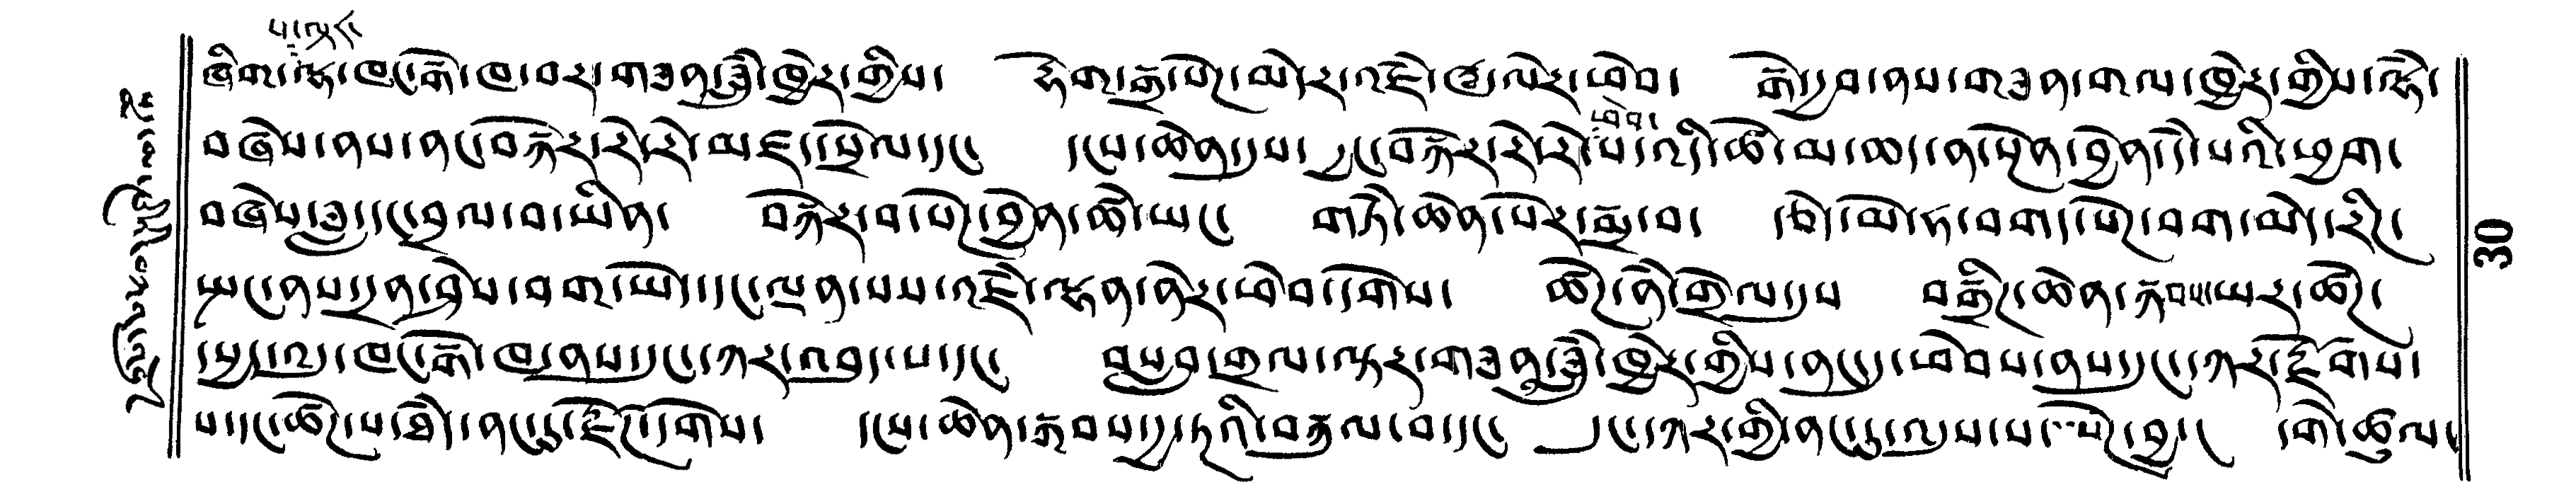ཞིག་པ་ལྟར་ལྷ་ཁང་སྒོ་ཁ་བར་གཟན་ཟླུམ་ཁྱེར་གྱིས། རྡོག་སྒྲ་སོགས་མེད་པར་འཇམ་ཝ་ལེར་ཕེབ། སྒོ་རྒྱབ་ནས་གཟན་གལ་ཁྱེར་གྱིས་ལྷམ་
བཞེས་ནས་ནང་བསྐོར་རེ་རེ་མཛད་སྲོལ་དང་། དུས་ཆེན་དུས་རྒྱང་བསྐོར་རེ་རེ་ཕེབས་པ་འདི་ཚོ་མ་ཆད་ན་སྔོན་བྱོན་དམ་པའི་ཕྱག་
བཞེས་ཟླ་དང་བྲལ་བ་ཡིན། བསྐོར་བ་སོགས་ལ་བྱོན་ཚེ་ཡང་། གཏམ་ཆེན་པོར་སྨྲ་བ། རྩེད་མོ་ཧ་བགད་སོགས་བག་མེད་རིགས་
སྤང་ནས་དྲན་ཤེས་བག་ཡོད་དང་ལྡན་པས་འཇམ་ལྷན་ནེར་ཕེབས་དགོས། ཚོགས་ནམ་གྲོལ་དུས།བསྒྲིགས་ཆེན་སྐབས་ཡར་ཚོགས་
སྤྱད་འདུ་ཁང་སྒོ་ཁ་ནས་དུང་དཀར་འབུད་པ་དང་། བསླབ་གྲལ་ལྟར་གཟན་ཟླུམ་ཁྱེར་གྱིས་ནང་དུ་ཕེབས་ནས་དུང་དཀར་རྫོགས་
པ་དང་ཚོགས་པ་ཐམས་ཅད་ནང་དུ་རྫོགས་དགོས། དུས་ཆེན་སྐབས་རྒྱ་རྔའི་བསྐུལ་བ་དང་། དུང་དཀར་གྱིས་ནང་དུ་འདུས་པ་སོགས་བྱ། དགེ་ཚུལ་